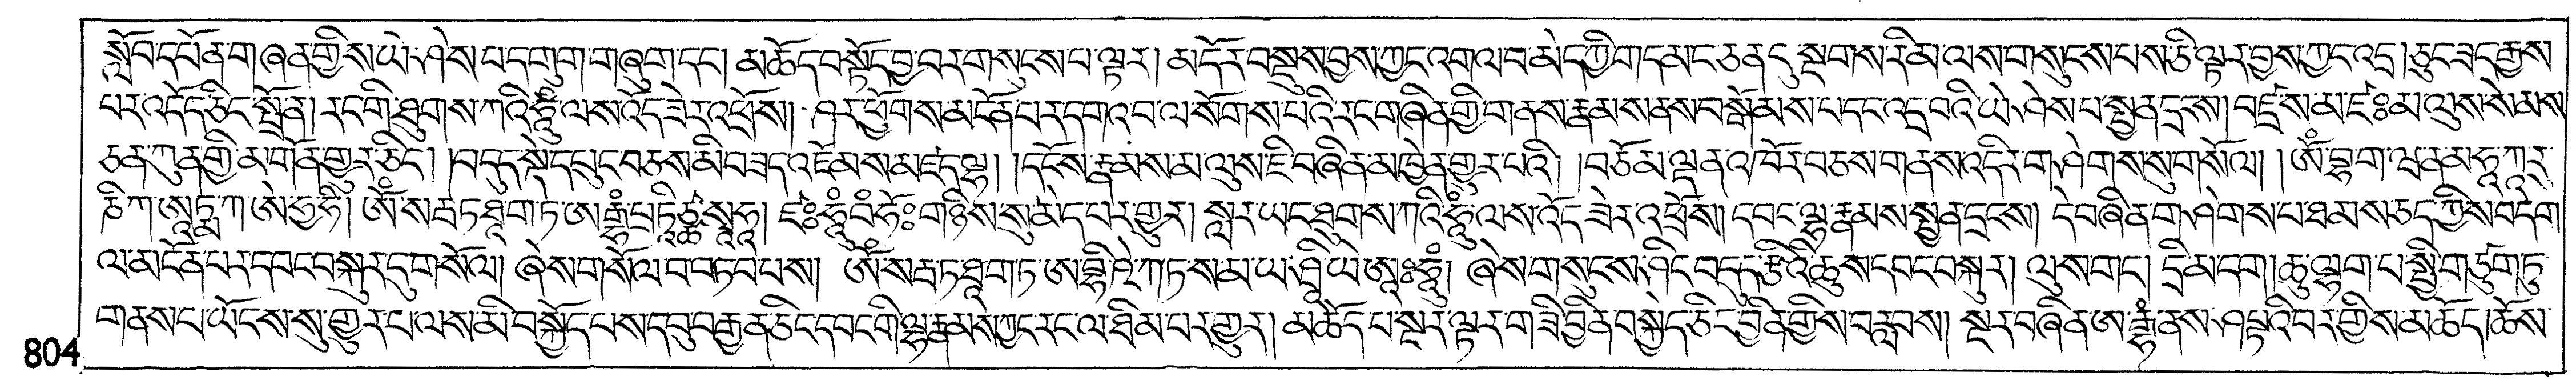སློབ་དཔོན་གཞན་གྱིས་ཡེ་ཤེས་པ་དགུག་གཞུག་དང་། མཆོད་བསྟོད་བྱ་བར་གསུངས་པ་ལྟར། མདོར་བསྡུས་བྱས་ཀྱང་འགལ་བ་མེད་ཀྱི་གདམ་ང་ཅན་དུ་སྔགས་རིམ་ལས་གསུངས་པས་ཅི་ལྟར་བྱས་ཀྱང་འདྲ། ཅུང་ཟད་རྒྱས་
པར་འདོད་ཅིང་སྤྲོ་ན། རང་གི་ཐུགས་ཀའི་ཧཱུཾ་ལས་འོད་ཟེར་འཕྲོས། ཤར་ཕྱོགས་མངོན་པར་དགའ་བ་ལ་སོགས་པའི་རང་གཞིན་གྱི་གནས་རྣམས་ནས་བསྒོམས་པ་དང་འདྲ་བའི་ཡེ་ཤེས་པ་སྤྱན་དྲངས། བཛྲ་ས་མ་ཛཿ མ་ལུས་སེམས་
ཅན་ཀུན་གྱི་མགོན་གྱུར་ཅིང་། །བདུད་སྡེ་དཔུང་བཅས་མི་བཟད་འཇོམས་མཛད་ལྷ། །དངོས་རྣམས་མ་ལུས་ཇི་བཞིན་མཁྱེན་གྱུར་པའི། །བཅོམ་ལྡན་འཁོར་བཅས་གནས་འདིར་གཤེགས་སུ་གསོལ། །ཨོཾ་བྷ་ག་ཝ་ན་མ་ཧཱ་ཀཱ་རུ་
ཎི་ཀ་ཨཱཏྨ་ཀ་ཨེ་ཧྱ་ཧི། ཨོཾ་སརྦ་ཏ་ཐཱ་ག་ཏ་ཨརྒྷཾ་པྲཏཱི་ཙྪ་སྭཱཧཱ། ཛཿ ཧཱུཾ་བཾ་ཧོཿ གཉིས་སུ་མེད་པར་གྱུར། སླར་ཡང་ཐུགས་ཀའི་ཧཱུཾ་ལས་འོད་ཟེར་འཕྲོས། དབང་ལྷ་རྣམས་སྤྱན་དྲངས། དེ་བཞིན་གཤེགས་པ་ཐམས་ཅད་ཀྱིས་བདག་
ལ་མངོན་པར་དབང་བསྐུར་དུ་གསོལ། ཞེས་གསོལ་བ་བཏབ་པས། ཨོཾ་སརྦ་ཏ་ཐཱ་ག་ཏ་ཨ་བྷི་ཥེ་ཀ་ཏ་ས་མ་ཡ་ཤྲཱི་ཡེ་ཨཱཿ ཧཱུཾ། ཞེས་གསུངས་ཤིང་བདུད་རྩིའི་ཆུས་དབང་བསྐུར། ལུས་གང་། དྲི་མ་དག །ཆུ་ལྷག་པ་སྤྱི་གཙུག་ཏུ་
གནས་པ་ཡོངས་སུ་གྱུར་པ་ལས་མི་བསྐྱོད་པས་དབུ་བརྒྱན་ཅིང་དབང་གི་ལྷ་རྣམས་ཀྱང་རང་ལ་ཐིམ་པར་གྱུར། མཆོད་པ་སྔར་ལྟར་གཟི་བྱིན་བསྐྱེད་ཅིང་བྱིན་གྱིས་བརླབས། སྔར་བཞིན་ཨརྒྷཾ་ནས་ཤཔྟའི་བར་གྱིས་མཆོད། ཆོས་